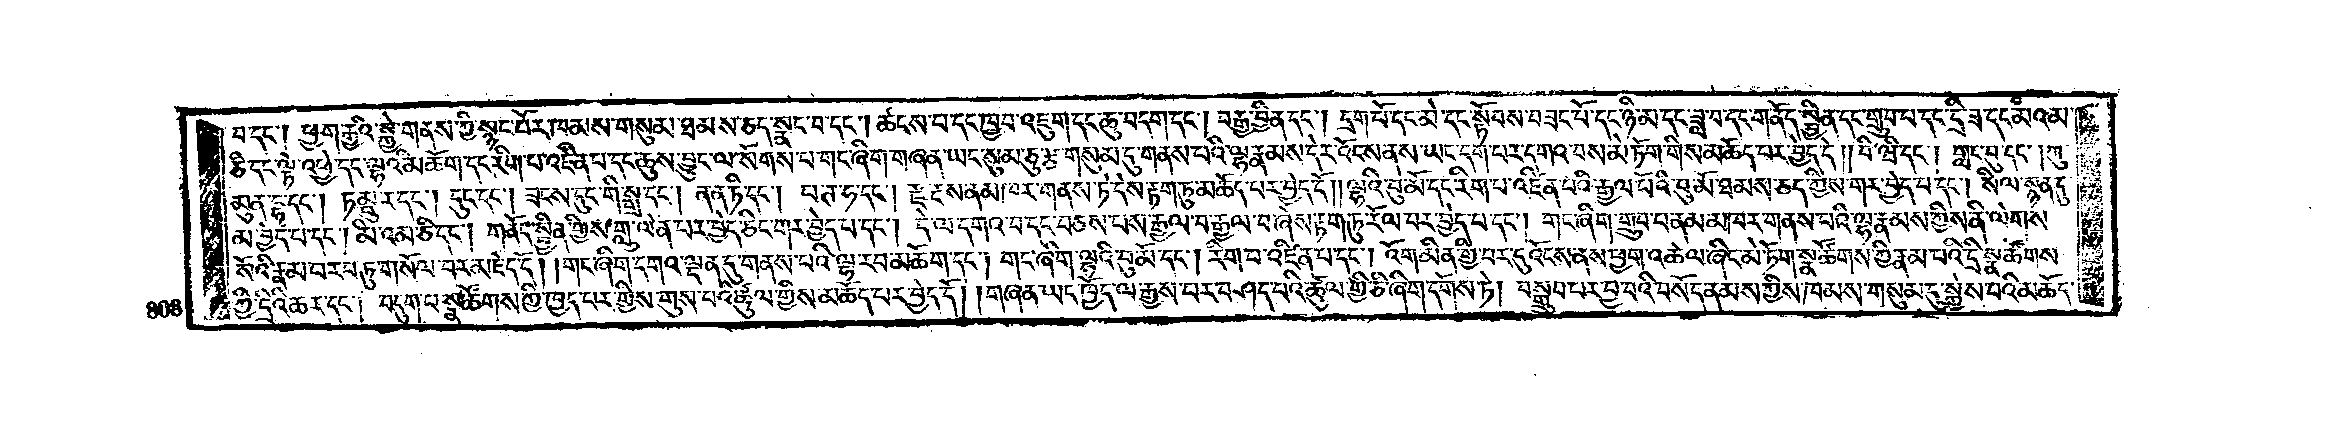བ་དང་། ཕྱག་རྒྱའི་སྐྱེ་གནས་ཀྱི་སྙིང་པོར་ཁམས་གསུམ་ཐམས་ཅད་སྣང་བ་དང་། ཚངས་པ་དང་ཁྱབ་འཇུག་དང་ཆུ་བདག་དང་། བརྒྱ་བྱིན་དང་། དྲག་པོ་དང་མེ་དང་སྟོབས་བཟང་པོ་དང་ཉི་མ་དང་ཟླ་བ་དང་གནོད་སྦྱིན་དང་གྲུབ་པ་དང་དྲི་ཟ་དང་མིའམ་
ཅི་དང་ལྟེ་འཕྱེ་དང་ལྷའི་མཆོག་དང་རིག་པ་འཛིན་པ་དང་ཆུས་བྱུང་ལ་སོགས་པ་གང་ཞིག་གཞན་ཡང་སུམ་ཅུ་རྩ་གསུམ་དུ་གནས་པའི་ལྷ་རྣམས་དེར་འོངས་ནས་ཡང་དག་པར་དགའ་བས་མེ་ཏོག་གིས་མཆོད་པར་བྱེད་དེ། །བི་ཝཾ་དང་། གླང་བུ་དང་། ཀུ་
མུན་དྷ་དང་། ཏམྦུ་ར་དང་། དུང་དང་། ཟངས་དུང་གི་སྒྲ་དང་། ནན་ཏི་དང་། པ་ཊ་ཧ་དང་། རྫ་རྔས་ནམ་མཁར་གནས་ཏེ་དེས་རྟག་ཏུ་མཆོད་པར་བྱེད་དོ། །ལྷའི་བུ་མོ་དང་རིག་པ་འཛིན་པའི་རྒྱལ་པོའི་བུ་མོ་ཐམས་ཅད་ཀྱིས་གར་བྱེད་པ་དང་། སིལ་སྙན་དུ་
མ་བྱེད་པ་དང་། མི་འམ་ཅི་དང་། གནོད་སྦྱིན་གྱིས་གླུ་ལེན་པར་བྱེད་ཅིང་གར་བྱེད་པ་དང་། དེ་ལ་དགའ་བ་དང་བཅས་པས་རྒྱལ་བ་རྒྱལ་བ་ཞེས་རྟག་ཏུ་རོལ་བར་བྱེད་པ་དང་། གང་ཞིག་གྲུབ་པ་ནམ་མཁར་གནས་པའི་ལྷ་རྣམས་ཀྱིས་ནི་ལེགས་
སོའི་རྣམ་པ་རབ་ཏུ་གསོལ་བར་མཛད་དོ། །གང་ཞིག་དགའ་ལྡན་དུ་གནས་པའི་ལྷ་རབ་མཆོག་དང་། གང་ཞིག་ལྷའི་བུ་མོ་དང་། རིག་པ་འཛིན་པ་དང་། འོག་མིན་གྱི་བར་དུ་འོངས་ནས་ཕྱག་འཚལ་ཞིང་མེ་ཏོག་སྣ་ཚོགས་ཀྱི་རྣམ་པའི་དྲི་སྣ་ཚོགས་
ཀྱི་དྲིའི་ཆར་དང་། བདུག་པ་སྣ་ཚོགས་ཀྱི་ཁྱད་པར་གྱིས་གུས་པའི་ཚུལ་གྱིས་མཆོད་པར་བྱེད་དོ། །གཞན་ཡང་ཁྱོད་ལ་རྒྱས་པར་བཤད་པའི་ཚུལ་གྱི་ཅི་ཞིག་དགོས་ཏེ། བསྒྲུབ་པར་བྱ་བའི་བསོད་ནམས་ཀྱིས་ཁམས་གསུམ་དུ་སྐྱེས་པའི་མཆོད་